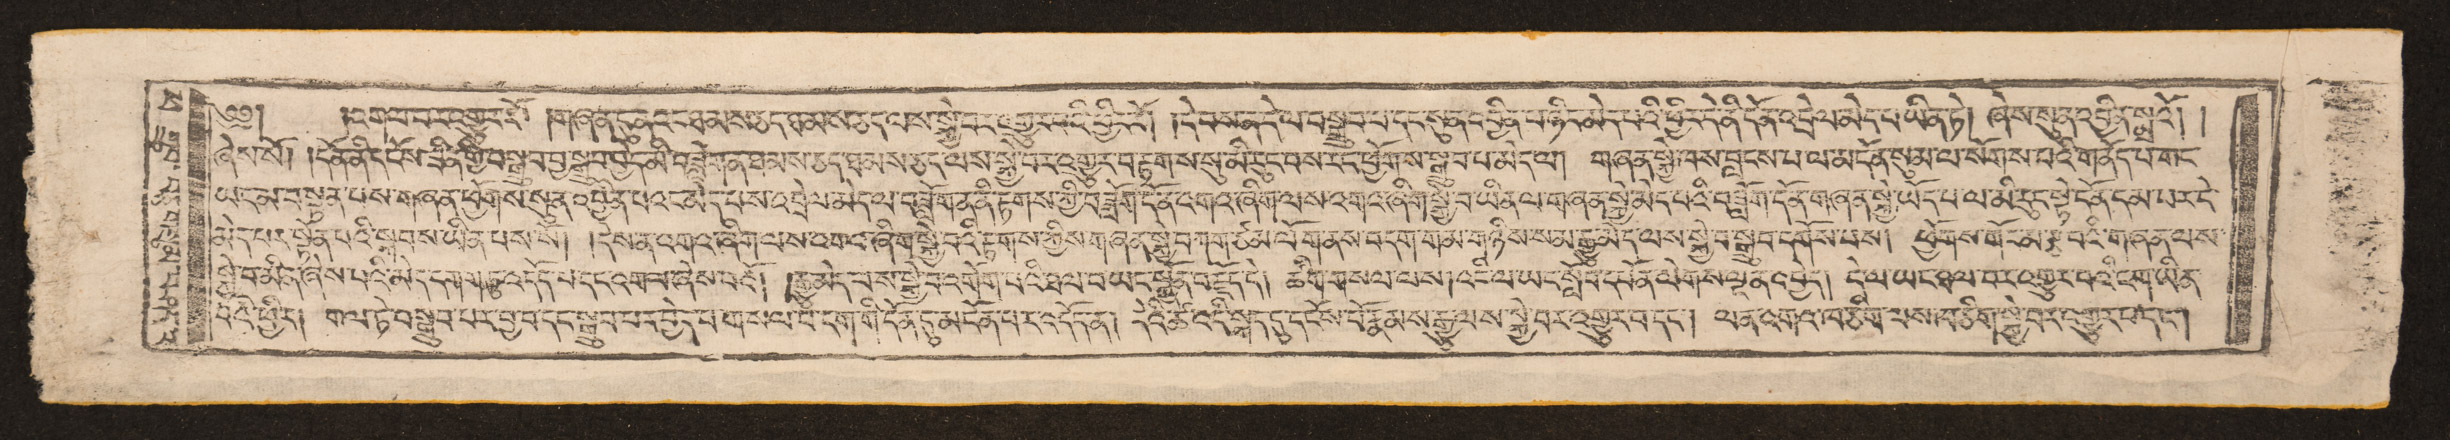༄༅། །འགལ་བར་འགྱུར་རོ། །གཞན་དུ་ནའང་ཐམས་ཅད་ཐམས་ཅད་ལས་སྐྱེ་བར་འགྱུར་བའི་ཕྱིར་རོ། །དེ་བས་ན་དེ་ལ་བསྒྲུབ་པ་དང་སུན་འབྱིན་པ་ཉིད་མེད་པའི་ཕྱིར་དེ་ནི་དོན་འབྲེལ་མེད་པ་ཡིན་ཏེ། ཞེས་སུན་འབྱིན་སྨྲའོ།
ཞེས་སོ། །དོན་ནི་དངོས་ཟིན་གྱི་བསྒྲུབ་བྱ་སྦྲུབ་བྱེད་མི་བཟློག་ན་ཐམས་ཅད་ཐམས་ཅད་ལས་སྐྱེ་བར་འགྱུར་བརྟགས་སུ་མི་རུང་བས་རང་ཕྱོགས་སྒྲུབ་པ་མེད་ལ། གཞན་སྐྱེ་བས་བླངས་པ་ལ་མངོན་སུམ་ལ་སོགས་པའི་གནོད་པ་གང་
ཡང་མ་བསྟན་པས་གཞན་ཕྱོགས་སུན་འབྱིན་པའང་མེད་པས་འབྲེལ་མེད་ལ་བཟློག་ན་ནི་རྟགས་ཀྱི་བཟློག་དོན་འགའ་ཞིག་ལས་འགའ་ཞིག་སྐྱེ་བ་ཡིན་ལ་གཞན་སྐྱེ་མེད་བའ་བཟློག་དོན་གཞན་སྐྱེ་ཡོད་པ་ལ་མི་རུང་སྟེ་དོན་དམ་བར་དེ་
མེད་པར་སྟེན་པའི་ལྐབས་ཡིན་པས་སོ། །དེས་ན་འགའ་ཞིག་ལས་འགའ་ཞིག་སྐྱེ་བའི་རྟགས་ཀྱིས་གཞན་སྐྱེ་བཀག་ཙམ་ལོ་གནས་བདག་གམ་གཉིས་སམ་རྒྱུ་མེད་ལས་སྐྱེ་བ་སྒྲུབ་དགོས་པས། ཕྱོགས་གོང་མ་རྩ་བའི་གཞན་ལས་
སྐྱེ་བ་མིན་ཞེས་པའི་མེད་དགག་ཏུ་འདོད་པ་དང་འགལ་ཞེས་པའོ། །རྒྱུ་མེད་པས་སྐྱེ་བ་འགོག་པའི་ཐལ་པ་ཡང་སྐྱོན་བརྗོད་དེ། ཚིག་གསལ་ལས། འདི་ལ་ཡང་སློབ་དཔོན་ལེགས་ལྡན་འབྱེད། དེ་ལ་ཡང་ཐལ་བར་འགྱུར་བའི་ངག་ཡིན་
བའི་ཕྱིར། གལ་ཏེ་བསྒྲུལ་?་བར་བྱ་བ་དང་སྒྲུབ་བར་བྱེད་པ་གསལ་བདག་གི་དོན་དུ་མངོན་པར་འདོད་ན། དེའི་ཚེ་འདི་སྐད་དུ་དངོས་པོ་རྣམས་རྒྱུ་ལས་སྐྱེ་བར་འགྱུར་བ་དང་། ལན་འགའ་ཁ་ཅིག་ལས་ཁ་ཅིག་སྐྱེ་བར་འགྱུར་བ་དང་།